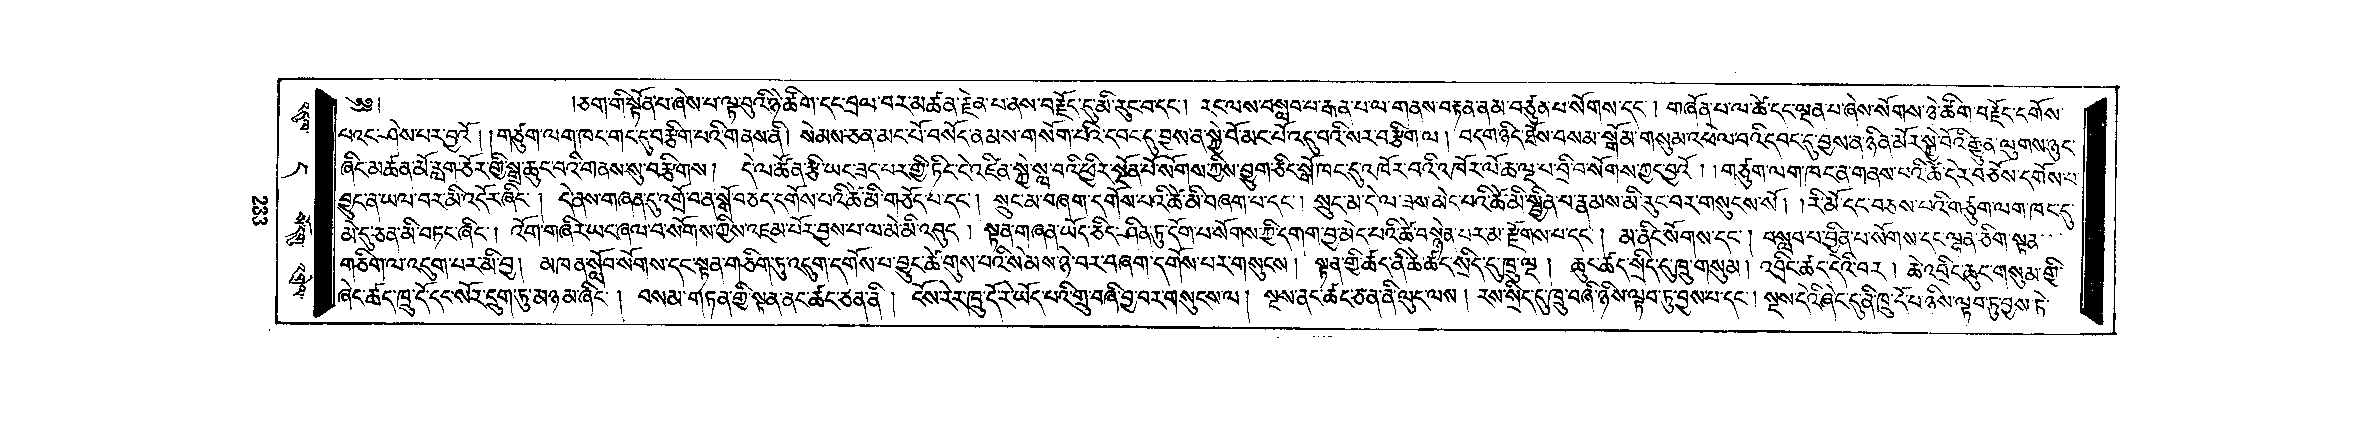༄༅། །ཅག་གི་སྟོན་པ་ཞེས་པ་ལྟ་བུའི་ཉེ་ཚིག་དང་བྲལ་བར་མཚན་རྗེན་པ་ནས་བརྗོད་དུ་མི་རུང་བ་དང་། རང་ལས་བསླབ་པ་རྒན་པ་ལ་གནས་བརྟན་ནམ་བཙུན་པ་སོགས་དང་། གཞོན་པ་ལ་ཚེ་དང་ལྡན་པ་ཞེས་སོགས་ཉེ་ཚིག་བརྗོད་དགོས་
པའང་ཤེས་པར་བྱའོ། །གཙུག་ལག་ཁང་གང་དུ་བརྩིག་པའི་གནས་ནི། སེམས་ཅན་མང་པོ་བསོད་ནམས་གསོག་པའི་དབང་དུ་བྱས་ན་སྐྱེ་བོ་མང་པོ་འདུ་བའི་སར་བརྩིག་ལ། བདག་ཉིད་ཐོས་བསམ་སྒོམ་གསུམ་འཕེལ་བའི་དབང་དུ་བྱས་ན་ཉིན་མོར་སྐྱེ་བོའི་རྒྱུན་ལུགས་ཉུང་
ཞིང་མཚན་མོ་རླག་ཅོར་གྱི་སྒྲ་ཆུང་བའི་གནས་སུ་བརྩིགས། དེ་ལ་ཚོན་རྩི་ཡང་ཟད་པར་གྱི་ཏིང་ངེ་འཛིན་སྐྱེ་སླ་བའི་ཕྱིར་སྔོན་པོ་སོགས་ཀྱིས་བྱུག་ཅིང་སྒོ་ཁང་དུ་འཁོར་བའི་འཁོར་ལོ་ཆ་ལྔ་པ་བྲི་བ་སོགས་ཀྱང་བྱའོ། །གཙུག་ལག་ཁང་ན་གནས་པའི་ཚེ་དེར་བཅོས་དགོས་པ་
བྱུང་ན་ཡལ་བར་མི་འདོར་ཞིང་། དེ་ནས་གཞན་དུ་འགྲོ་བ་ན་སྒོ་བཅད་དགོས་པའི་ཚེ་མི་གཅོད་པ་དང་། སྲུང་མ་བཞག་དགོས་པའི་ཚེ་མི་བཞག་པ་དང་། སྲུང་མ་དེ་ལ་ཟས་མེད་པའི་ཚེ་མི་སྦྱིན་པ་རྣམས་མི་རུང་བར་གསུངས་སོ། །རི་མོ་དང་བཅས་པའི་གཙུག་ལག་ཁང་དུ་
མེ་དུ་ཅན་མི་བཏང་ཞིང་། འོག་གཞིར་ཡང་ཞལ་བ་སོགས་ཀྱིས་འཇམ་པོར་བྱས་པ་ལ་མེ་མི་འབུད། སྟན་གཞན་ཡོད་ཅིང་ཤིན་ཏུ་དོག་པ་སོགས་ཀྱི་དགག་བྱ་མེད་པའི་ཚེ་བསྙེན་པར་མ་རྫོགས་པ་དང་། མ་ནིང་སོགས་དང་། བསླབ་པ་བྱིན་པ་སོགས་དང་ལྷན་ཅིག་སྟན་
གཅིག་ལ་འདུག་པར་མི་བྱ། མཁན་སློབ་སོགས་དང་སྟན་གཅིག་ཏུ་འདུག་དགོས་པ་བྱུང་ཚེ་གུས་པའི་སེམས་ཉེ་བར་བཞག་དགོས་པར་གསུངས། སྟན་གྱི་ཚད་ནི་ཆེ་ཚད་སྲིད་དུ་ཁྲུ་ལྔ། ཆུང་ཚད་སྲིད་དུ་ཁྲུ་གསུམ། འབྲིང་ཚད་དེའི་བར། ཆེ་འབྲིང་ཆུང་གསུམ་གྱི་
ཞེང་ཚད་ཁྲུ་དོ་དང་སོར་དྲུག་ཏུ་མཉམ་ཞིང་། བསམ་གཏན་གྱི་སྟན་ནང་ཚང་ཅན་ནི། ངོས་རེར་ཁྲུ་དོ་རེ་ཡོད་པའི་གྲུ་བཞི་བྱ་བར་གསུངས་ལ། སྔས་ནང་ཚང་ཅན་ནི་ལུང་ལས། རས་སྲིད་དུ་ཁྲུ་བཞི་ཉིས་ལྟབ་ཏུ་བྱས་པ་དང་། སྔས་དེའི་ཞེང་དུ་ནི་ཁྲུ་དོ་པ་ཉིས་ལྟབ་ཏུ་བྱས་ཏེ་